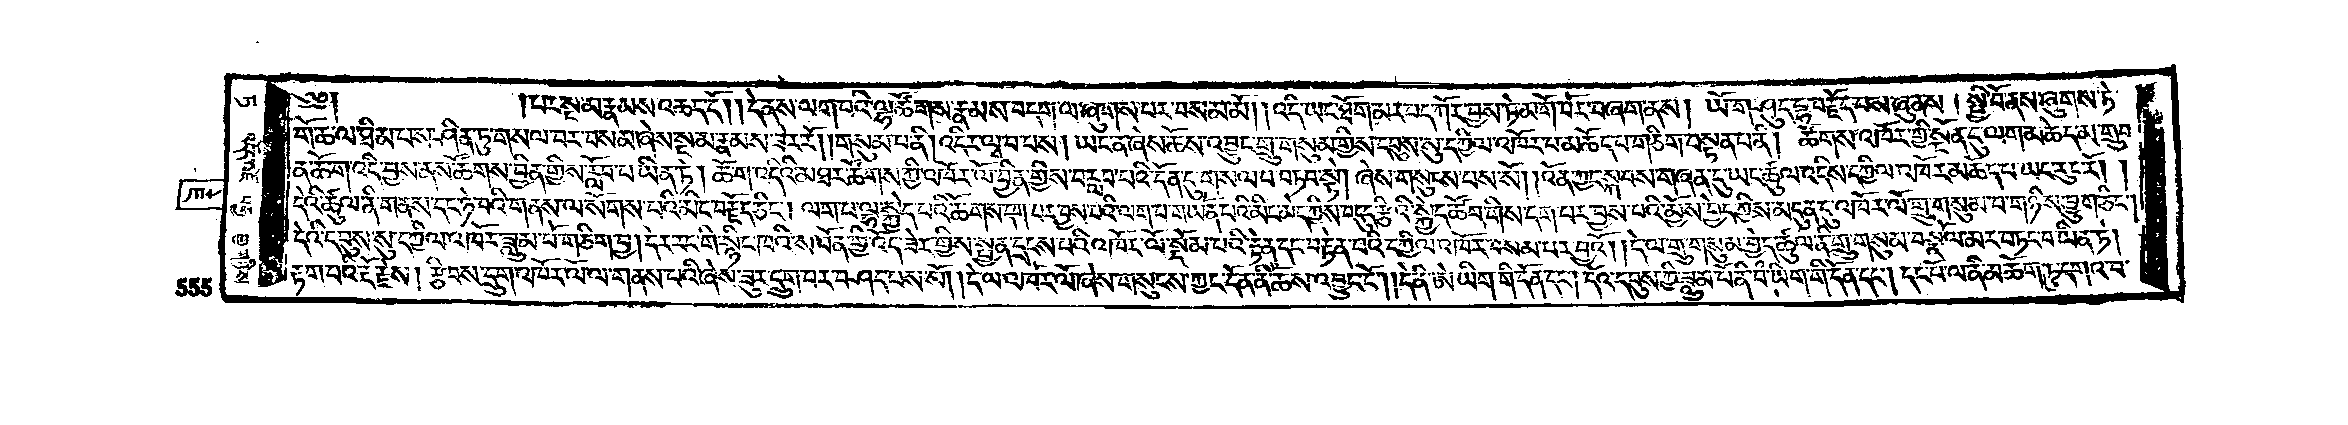༄༅། །པར་སྔ་མ་རྣམས་འཆད་དོ། །དེ་ནས་ལག་པའི་ལྷ་ཚོགས་རྣམས་བདག་ལ་ཞུགས་པར་བསམ་མོ། །འདི་ཡང་ཐོག་མར་པད་ཀོར་བྱས་ཏེ་མགོ་བོར་བཞག་ནས། ཡོ་ག་ཤུད་དྷ་བརྗོད་པས་ཞུ་ནས། སྤྱི་བོ་ནས་ཞུགས་ཏེ་
གོ་ཆ་ལ་ཐིམ་པས་ཤིན་ཏུ་གསལ་བར་བསམ་ཞེས་སྔ་མ་རྣམས་ཟེར་རོ། །གསུམ་པ་ནི། འདིར་ལྭ་བ་པས། ཡང་ན་ཞེས་ཆོས་འབྱུང་གྲུ་གསུམ་གྱིས་དབུས་སུ་དཀྱིལ་འཁོར་པ་མཆོད་པ་གཅིག་བསྟན་པ་ནི། ཚོགས་འཁོར་གྱི་སྔོན་དུ་ལག་མཆོད་མ་གྲུབ་
ན་ཆོ་ག་འདི་བྱས་ནས་ཚོགས་བྱིན་གྱིས་རློབ་པ་ཡིན་ཏེ། ཆོ་ག་འདིའི་མཐར་ཚོགས་ཀྱི་འཁོར་ལོ་བྱིན་གྱིས་བརླབ་པའི་དོན་དུ་གསལ་བ་བཏབ་སྟེ། ཞེས་གསུངས་པས་སོ། །འོན་ཀྱང་སྐབས་གཞན་དུ་ཡང་ཚུལ་འདིས་དཀྱིལ་འཁོར་མཆོད་པ་ཡང་རུང་རོ། །
དེའི་ཚུལ་ནི་གནས་དང་ཉེ་བའི་གནས་ལ་སོགས་པའི་མིང་བརྗོད་ཅིང་། ལག་པ་ལྷ་སྐྱེད་པའི་ཚོགས་དག་པར་བྱས་པའི་ལག་པ་གཡོན་པའི་མིང་མེད་ཀྱིས་བདུད་རྩིའི་སྐྱེད་ཆོག་གིས་དག་པར་བྱས་པའི་མྱོས་བྱེད་ཀྱིས་མདུན་དུ་འཁོར་ལོ་གྲུ་གསུམ་པ་གཉིས་བྱུག་ཅིང་།
དེའི་དབུས་སུ་དཀྱིལ་འཁོར་ཟླུམ་པོ་གཅིག་བྱ། དེར་རང་གི་སྙིང་ཁའི་ས་བོན་གྱི་འོད་བར་གྱིས་སྤྱན་དྲངས་པའི་འཁོར་ལོ་སྡོམ་པའི་རྟེན་དང་བརྟེན་པའི་དཀྱིལ་འཁོར་བསམ་པར་བྱའོ། །དེ་ལ་གྲུ་གསུམ་བྱེད་ཚུལ་ནི་གྲུ་གསུམ་བསྣལ་མར་བཏང་བ་ཡིན་ཏེ།
རྟག་པའི་རྡོ་རྗེས། རྩིབས་དྲུག་འཁོར་ལོ་ལ་གནས་པའི་ཞེས་ཟུར་དྲུག་པར་བཤད་པས་སོ། །དེ་ལ་འཁོར་ལོ་ཞེས་གསུངས་ཀྱང་དོན་ནི་ཆོས་འབྱུང་ངོ། །དེ་ནི་ཨེ་ཡིག་གི་དོན་དང་། དའོ་དབུས་ཀྱི་ཟླུམ་པོ་ནི་བཾ་ཡིག་གི་དོན་དང་། དང་པོ་ལ་ནི་མཆོག་ཏུ་དགའ་བ་